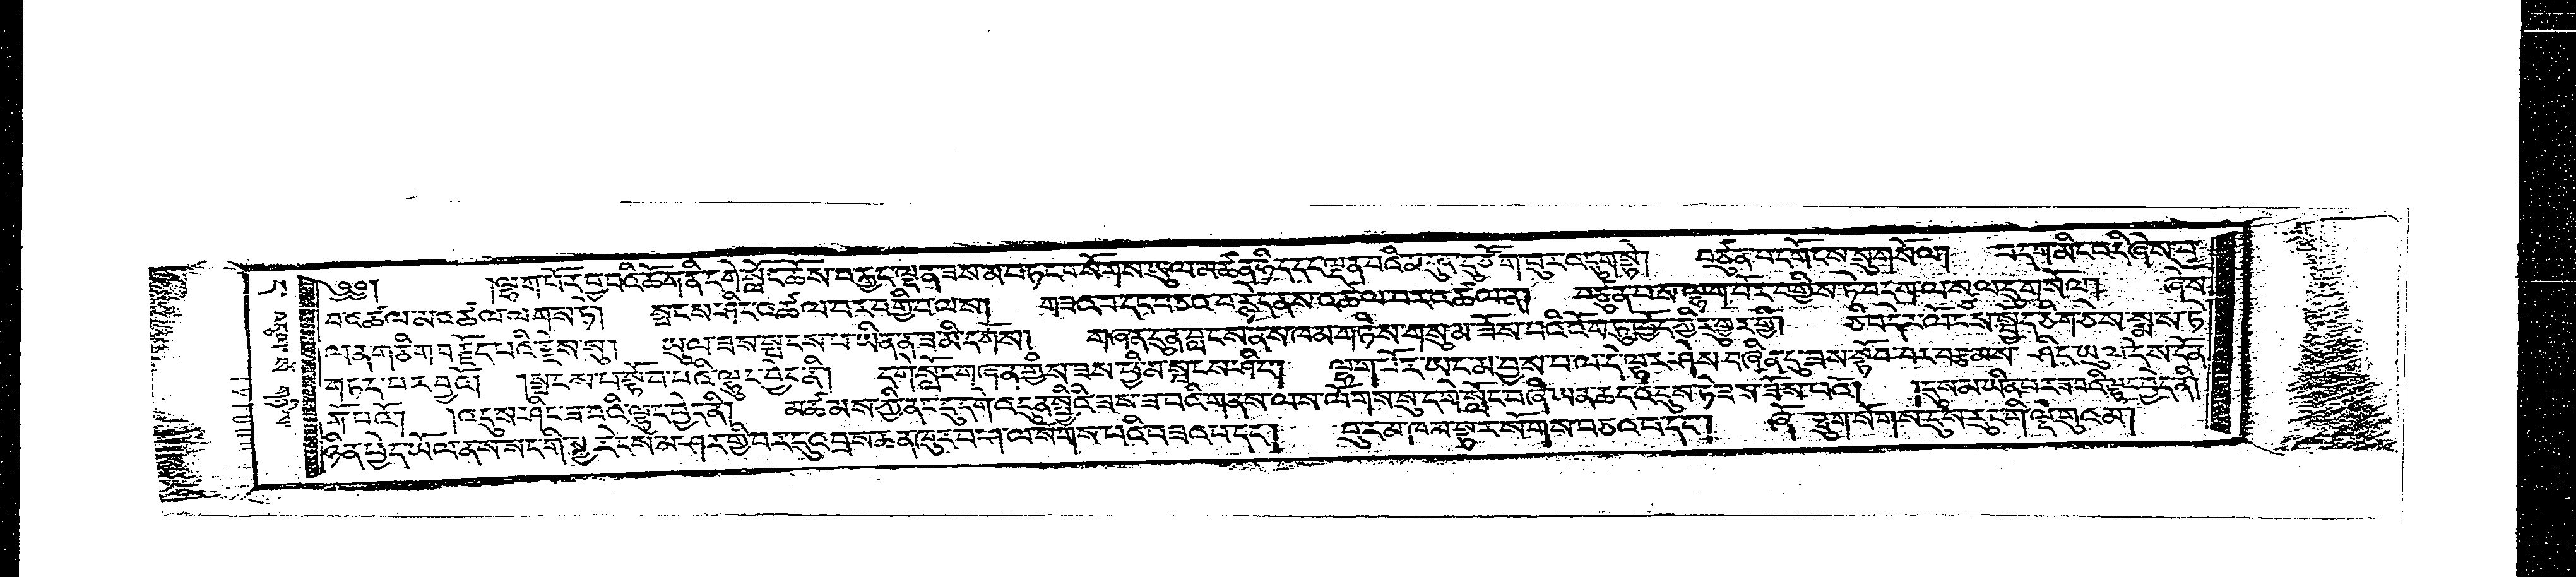༄༅། །ལྷག་པོར་བྱ་བའི་ཆོ་ག་ནི་དགེ་སློང་ཆོས་བརྒྱད་ལྡན་ཟས་མ་བཏང་བ་སོགས་ཡུལ་མཚན་ཉིད་དང་ལྡན་པའི་མདུན་དུ་ཙོག་བུར་འདུག་སྟེ། བཙུན་པ་དགོངས་སུ་གསོལ། བདག་མིང་འདི་ཞེས་བྱ་
བ་འཚལ་མ་འཚལ་ལགས་ཏེ། སྤངས་ཤིང་འཚལ་བར་བགྱི་བ་ལས། གཟའ་བ་དང་བཅའ་བརྙེད་ནས་འཚལ་བར་འཚལ་ན། བཙུན་པས་ལྷག་པོར་བགྱིས་ཏེ་བདག་ལ་སྩལ་དུ་གསོལ། ཞེས་
ལན་གཅིག་བརྗོད་པའི་རྗེས་སུ། ཡུལ་ཟས་སྤངས་པ་ཡིན་ན་ཟ་མི་དགོས། གཞན་དུ་ན་བླངས་ནས་ཁམ་གཉིས་གསུམ་ཟོས་པའི་འོག་ཏུ་ཁྱོད་ཀྱིར་གྱུར་གྱི། ཅི་བདེར་ལོངས་སྤྱོད་ཅིག་ཅེས་སྨས་ཏེ་
གཏད་པར་བྱའོ། །སྤངས་པ་སྟོབ་པའི་ལྟུང་བྱེད་ནི། དགེ་སློང་གཞན་གྱིས་ཟས་ཕྱི་མ་སྤངས་ཤིང་། ལྷག་པོར་ཡང་མ་བྱས་པ་ལ་དེ་ལྟར་ཤེས་བཞིན་དུ་ཟས་སྟོབ་བར་བརྩམས་ཤིང་ཡུལ་དེས་དོན་
གོ་པའོ། །འདུས་ཤིང་ཟ་བའི་ལྟུང་བྱེད་ནི། མཚམས་ཀྱི་ནང་དུ་དགེ་འདུན་སྤྱིའི་ཟས་ཟ་བའི་གནས་ལས་ལོགས་སུ་དགེ་སློང་བཞི་ཡན་ཆད་འདུས་ཏེ་ཟས་ཟོས་པའོ། །དུས་མ་ཡིན་པར་ཟ་བའི་ལྟུང་བྱེད་ནི།
ཉིན་ཕྱེད་ཡོལ་ནས་སང་གི་སྐྱ་རེངས་མ་ཤར་གྱི་བར་དུ་འབྲས་ཆན་ཁུར་བ་ཤ་ལ་སོགས་པའི་བཟའ་བ་དང་། བུ་རམ་ཁམ་སྟར་སོགས་བཅའ་བ་དང་། ཞོ་ཐུག་སོགས་དུས་རུང་གི་ལྡེ་གུའམ།